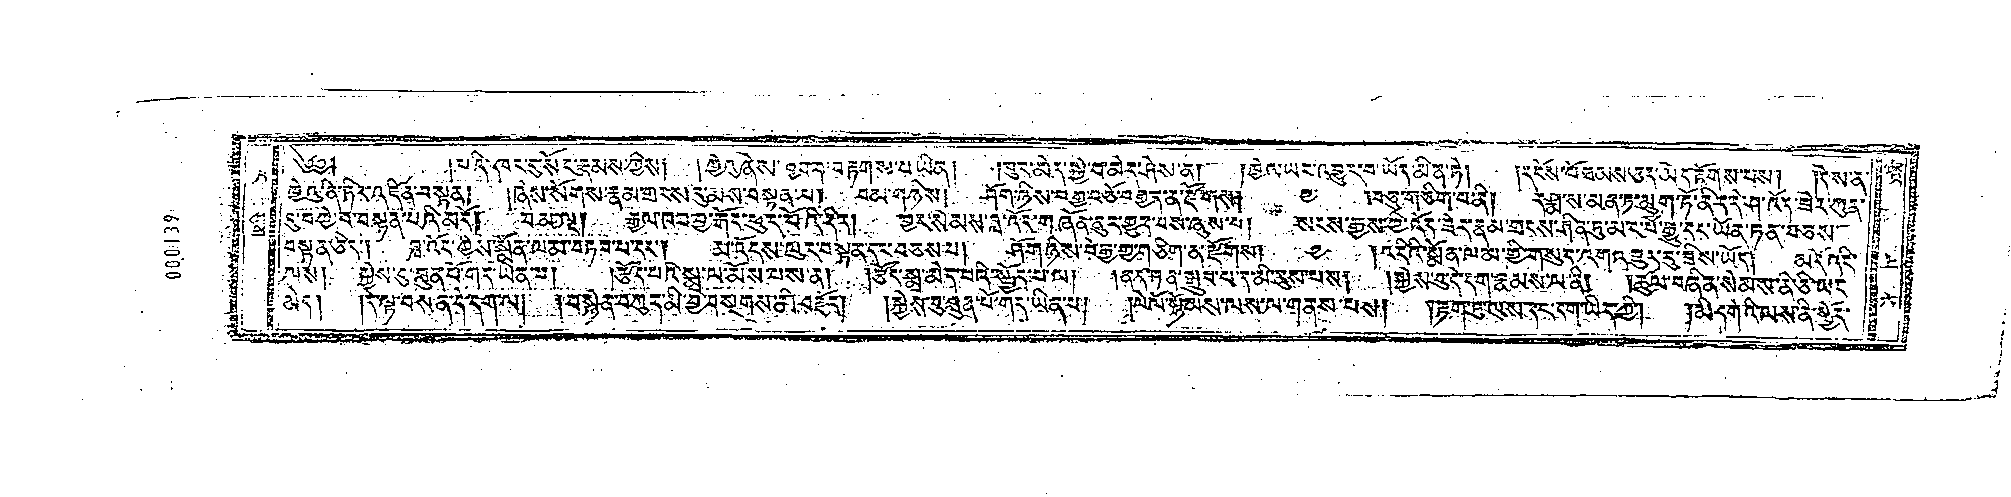༄༅། །པའི་དབང་དུ་སོང་རྣམས་ཀྱིས། །ཁྱེའུ་ཞེས་བྱ་བར་བརྟགས་པ་ཡིན། །བུད་མེད་སྐྱེ་བ་མེད་ཤེས་ན། །ཁྱེའུ་ཡང་འབྱུང་བ་ཡོད་མིན་ཏེ། །དངོས་པོ་ཐམས་ཅད་མེད་རྟོགས་པས། །དེས་ན་
ཁྱེའུ་ནི་ཏིང་འཛིན་བསྟན། །ཞེས་སོགས་རྣམ་གྲངས་དུ་མས་བསྟན་པ། བམ་གཉིས། ཤོག་ཉིས་བརྒྱ་བཅོ་བརྒྱད་ན་རྫོགས། ༧་།བཅུ་གཅིག་པ་ནི། རཤྨ་ས་མན་ཏ་མུག་ཏོ་ནིར་དེ་ཤ་འོད་ཟེར་ཀུན་
དུ་བཀྱེ་བ་བསྟན་པའི་མདོ། བམ་ལྔ། རྒྱལ་ཁབ་བྱ་རྒོང་ཕུང་པོའི་རིར། བྱང་སེམས་ཟླ་འོད་གཞོན་ནུར་གྱུར་པས་ཞུས་པ། སངས་རྒྱས་ཀྱི་འོད་ཟེར་རྣམ་གྲངས་ཤིན་ཏུ་མང་པོ་རྒྱུ་དང་ཡོན་ཏན་བཅས་
བསྟན་ཅིང་། ཟླ་འོད་ཀྱིས་སྨོན་ལམ་བཏབ་པ་དང་། མ་འོངས་ལུང་བསྟན་དང་བཅས་པ། ཤོག་ཉིས་བརྒྱ་གྱ་གཅིག་ན་རྫོགས། ༧་།འདིའི་སྨོན་ལམ་གྱི་གསུང་འགའ་ཟུར་དུ་བྲིས་ཡོད། མདོ་འདི་
ལས། སྐྱེས་བུ་བླུན་པོ་གང་ཡིན་པ། །རྩོང་པའི་སྨྲ་ལ་མོས་པས་ན། །རྩོད་སྨྲ་མེད་པའི་སྤྱོད་པ་ལ། །ནན་ཏན་སྒྲུབ་པ་ར་མི་ནུས་པས། །སྐྱེས་བུ་དེ་དག་རྣམས་ལ་ནི། །ཚུལ་བཞིན་སེམས་ནི་ཅི་ཡང་
མེད། །དེ་ལྟ་བས་ན་དེ་དག་ལ། །བསྙེན་བཀུར་མི་བྱ་བསྔགས་མི་བརྗོད། །སྐྱེས་བུ་བླུན་པོ་གང་ཡིན་པ། །ལེ་ལོ་སྙོམས་ལས་ལ་གནས་པས། །རྟག་ཏུ་ལུས་དང་ངག་ཡིད་ཀྱི། །མི་དགེའི་ལས་ནི་སྤྱོད་